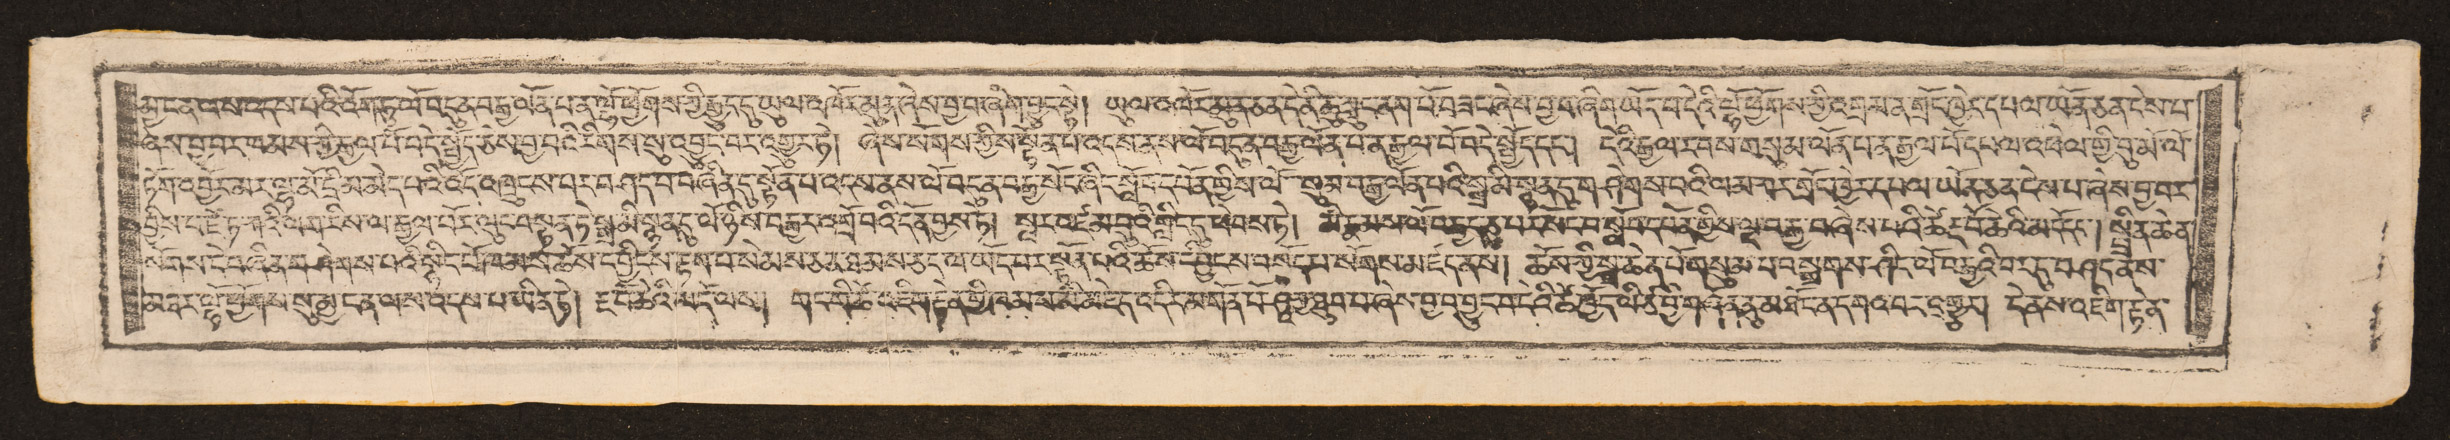མྱ་ངན་པས་འདས་པའི་འོན་ཏུ་ལོ་བདུན་བརྒྱ་ལོན་པ་ན་ལྷོ་ཕྱོགས་ཀྱི་རྒྱུད་དུ་ཡུལ་འཁོར་མུན་ཞེས་བྱ་བ་ཞིག་བྱུང་སྟེ། ཡུལ་འཁོར་མུན་ཅན་དེ་ནི་ཆུ་ཀླུང་ནག་པོ་བཟང་ཞེས་བྱ་བ་ཞིག་ཡོད་བདེའི་ལྷོ་ཕྱོགས་ཀྱི་འགྲམ་ན་གྲོང་ཁྱེར་དཔལ་ཡོན་ཅན་ངེས་པ་
ཞེས་བྱ་བར་ཁམས་ཀྱི་རྒྱལ་པོ་བདེ་སྤྱོད་ཅེས་བྱ་བའི་རིགས་སུ་འབྱུང་བར་འགྱུར་ཏེ། ཞེས་སོགས་ཀྱིས་སྟོན་པ་འདས་ནས་ལོ་བདུན་བརྒྱ་ལོན་པ་ན་རྒྱལ་པོ་བདེ་སྤྱོད་དང་། དེའི་རྒྱལ་རབས་གསུམ་ལོན་པ་ན་རྒྱལ་པོ་དཔལ་འཕེལ་གྱི་བུ་མོ་ལོ་
ཏོག་འབྱེར་མར་ལྷ་མོ་དྲི་མ་མེད་པའི་འོད་འཁྲུངས་པར་བཤད་པ་བཞིན་དུ་སྟོན་པ་འདས་ནས་ལོ་བདུན་བརྒྱ་སོང་ཞིང་སློབ་དཔོན་གྱིས་ལོ་སུམ་བརྒྱ་ལོན་པའི་སྒྲ་མི་སྙན་དུ་གཤེགས་པའི་ལམ་ཀར་གྲོང་ཁྱེར་དཔལ་ཡོན་ཅན་ངེས་པ་ཞེས་བྱ་བར་
བྱིས་བཛྲ་ཏ་ཀའི་ལག་རིས་ལ་རྒྱལ་པོར་ལུང་བསྟན་ཏེ་སྒྲ་མི་སྙན་དུ་ལོ་ཉིས་བརྒྱར་འགྲོ་བའི་དོན་བྱས་ཏེ། སླར་འཛམ་བུའི་གླིང་དུ་ཕེབས་ཏེ། མི་རྣམས་ལོ་བརྒྱད་ཅུ་པར་སོང་བ་སློབ་དཔོན་གྱིས་ལྔ་བརྒྱ་བ་ཞེས་པའི་ཚེ་རྔ་བོ་ཆེའི་མདོ་དང་། སྤྲིན་ཆན་
སོགས་དེ་བཞིན་གཤེགས་པའི་སྙིང་པོ་ཁམས་ཆོས་དབྱིངས་རྟག་པ་སེམས་ཅན་ཐམས་ཅད་ལ་ཡོད་པར་སྟོན་པའི་ཆོས་དབྱིངས་བསྟོད་པ་སོགས་མཛད་ནས། ཆོས་ཀྱི་སྒྲ་ཆེན་པོ་གསུམ་པ་བསྒྲགས་ཤིང་ལོ་བརྒྱའི་བར་དུ་བཤད་ནས་
མཐར་ལྷོ་ཕྱོགས་སུ་མྱ་ངན་ལས་འདས་པ་ཡིན་ཏེ། རྔ་བོ་ཆའི་མདོ་ལས། གང་གི་ཚེ་འཇིག་རྟེན་གྱི་ཁམས་མི་མཇེད་འདིར་མགོན་བ་ཤཱཀྱ་ཐུབ་པ་ཞེས་བྱ་བ་བྱུང་བ་དེའི་ཚི་ཁྱོད་ལི་ཙ་བྱི་གཞོན་ནུ་མཐོང་ན་དགའ་བར་འགྱུར། དེ་ནས་འཇིག་རྟེན་